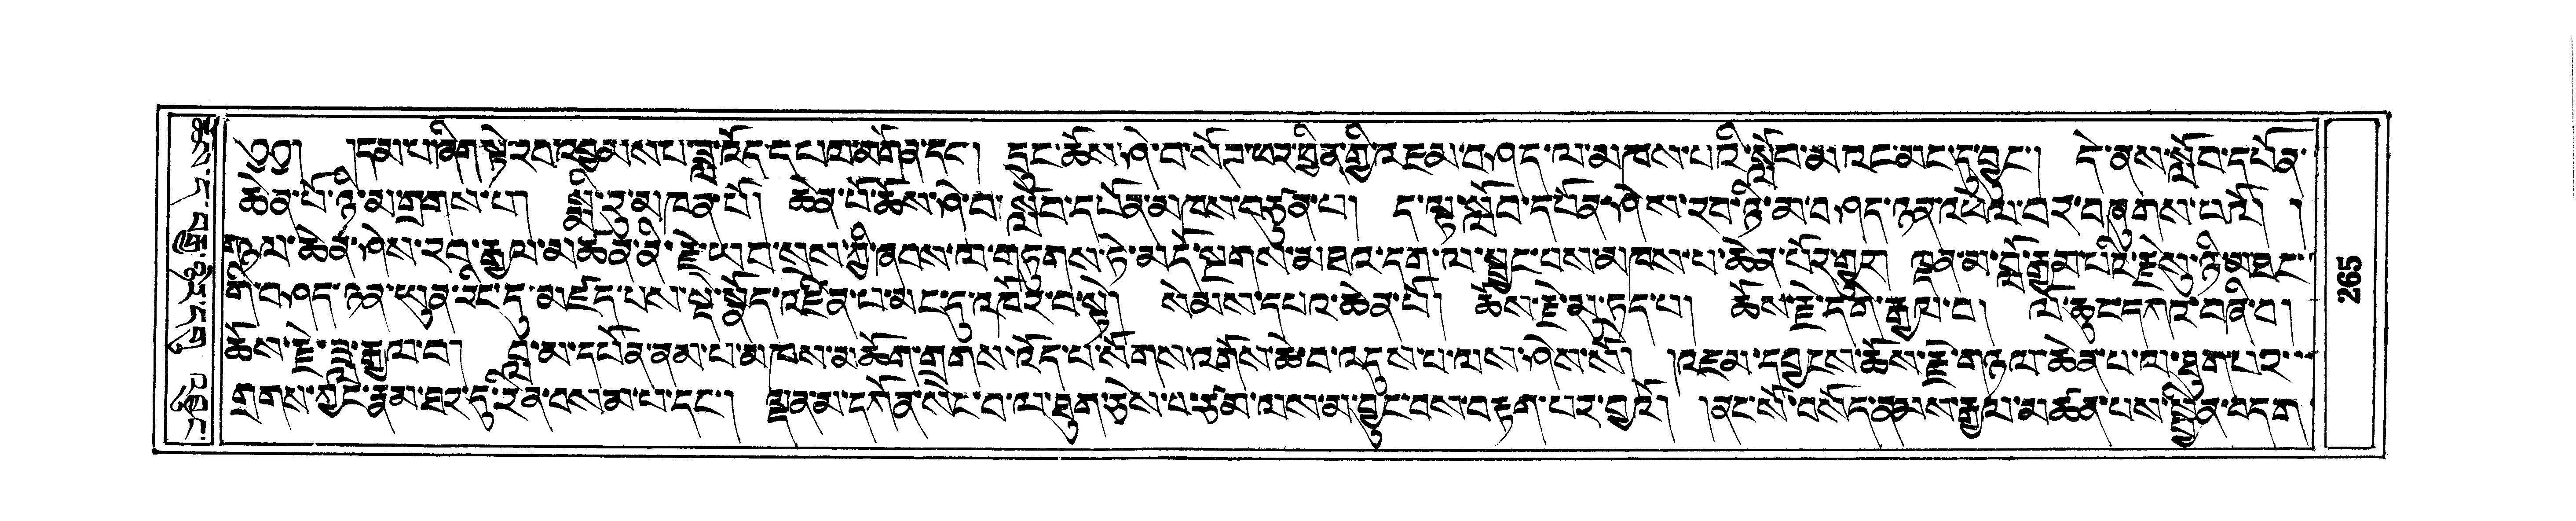༄༅། །དམ་པ་ཞིག་སྟེ་རབ་འབྱམས་པ་ཟླ་འོད་དཔལ་མགོན་དང་། དྲུང་ཆོས་ཤེ་བ་སོཌ་ཕར་ཕྱིན་གྱི་འཇམ་བཤད་ལ་མཁས་པའི་སློབ་མའང་མང་དུ་བྱུང་། དེ་ནས་སློབ་དཔོན་
ཆེན་པོ་ཉི་མ་གྲགས་པ། སྨི་རུ་མཁན་པོ། ཆེན་པོ་ཆོས་ཤེ་བ་སློབ་དཔོན་མཁས་བཙུན་པ། ད་ལྟ་སློབ་དཔོན་ཤེས་རབ་ཉི་མ་བཤད་ཉན་འཕེལ་བར་བཞུགས་པའོ། །
གཉལ་ཆེན་ཤེས་རབ་རྒྱལ་མཚན་ནི་རྗེ་ཡབ་སྲས་ཀྱི་ཞབས་ལ་གཏུགས་ཏེ་མདོ་སྔགས་མཐའ་དག་ལ་སྦྱང་པས་མཁས་པ་ཆེན་པོར་གྱུར། ལྡན་མ་བློ་རྒྱམ་པའི་རྗེ་སུ་ཉི་མ་ཐང་
གི་བཤད་ཉན་ཡུན་རིང་དུ་མཛད་པས་སྡེ་སྣོད་འཛིན་པ་མང་དུ་འཁོར་བ་སྟེ། སེམས་དཔའ་ཆེན་པོ། ཆོས་རྗེ་མུ་ཏད་པ། ཆོས་རྗེ་དགེ་རྒྱལ་བ། ལོ་ཆུང་དཀའ་བཞི་བ།
ཆོས་རྗེ་ཟླ་རྒྱལ་བ། བླ་མ་དཔོན་ནམ་པ་མཁས་མཆོག་གྲགས་འོད་པ་སོགས་འགོས་ཆེ་བ་འདུས་པ་ལས་ཤེས་སོ། །འཇམ་དབྱངས་ཆོས་རྗེ་གཉལ་ཆེན་པ་ལ་ཐུག་པར་
གྲགས་ཀྱང་རྣམ་ཐར་དུ་རིན་བསམ་པ་དང་། ལྡན་མ་དཀོན་སེང་བ་ལ་ཐུག་ཅེས་པ་ཙམ་ལས་མ་བྱུང་བས་བརྟག་པར་བྱའོ། །ནང་སོ་བསོད་ནམས་རྒྱལ་མཚན་པས་སྤྱིན་བདག་